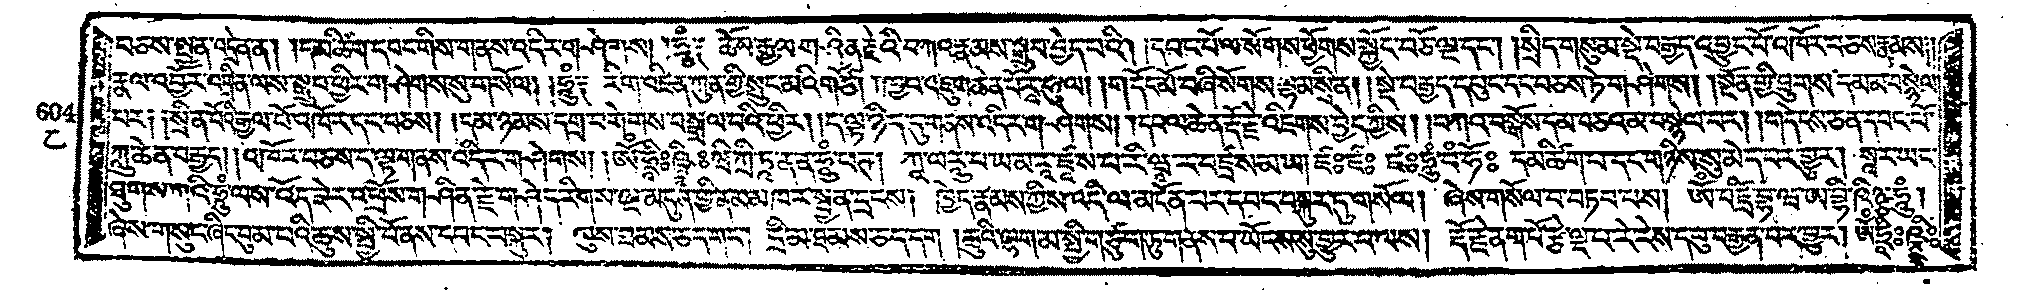བཅས་སྤྱན་འདྲེན་ན། །དམ་ཚིག་དབང་གིས་གནས་འདིར་གཤེགས། །ཧྲཱུཾ༑ ཆོས་རྒྱལ་གཤིན་རྗེའི་བཀའ་རྣམས་སྒྲུབ་བྱེད་པའི། །དབང་པོ་ལ་སོགས་ཕྱོགས་སྐྱོང་བཅོ་ལྔ་དང་། །སྲིད་གསུམ་སྡེ་བརྒྱད་འབྱུང་པོ་འཁོར་བཅས་རྣམས། །
རྣལ་འབྱོར་འཕྲིན་ལས་སྒྲུབ་ཕྱིར་གཤེགས་སུ་གསོལ། །ཧཱུཾ༑ རིག་འཛིན་ཀུན་གྱི་སྤུང་མའི་གཙོ། །ཁྱབ་འཇུག་ཆེན་པོ་རཱ་ཧུ་ལ། །གདོང་མོ་བཞི་སོགས་ལྷ་མ་སྲིན། །སྡེ་བརྒྱད་དཔུང་དང་བཅས་ཏེ་གཤེགས། །སྔོན་གྱི་ཐུགས་དམ་མ་བསྙེལ་
པར༑ ༑སྲིན་པོའི་རྒྱལ་པོ་འཁོར་དང་བཅས། །དམ་ཉམས་དགྲ་བགེགས་བསྒྲལ་བའི་ཕྱིར། །ད་ལྟ་ཉིད་དུ་གནས་འདིར་གཤེགས། །དཔལ་ཆེན་རྡོ་རྗེ་འཇིགས་བྱེད་ཀྱིས། །བཀའ་བསྒོས་དམ་བཅའ་མ་བསྙེལ་བར། །གདེངས་ཅན་དབང་པོ་
ཀླུ་ཆེན་བརྒྱད། །འཁོར་བཅས་ད་ལྟ་གནས་འདིར་གཤེགས། །ཨོཾ་ཧྲཱིཿ ཥྚྲཱིཿཝི་ཀྲི་ཏཱ་ན་ན་ཧཱུཾ་ཕཊ། ཀཱ་ལ་རཱུ་པ་ཡ་མ་རཱ་ཛཱ་ས་པ་རི་ཝཱ་ར་བཛྲ་སམ་ཡ། ཛཿ ཛཿ ཛཿ ཧཱུཾ་བཾ་ཧོཿ དམ་ཚིག་པ་དང་གཉིས་སུ་མེད་པར་གྱུར། སླར་ཡང་
ཐུགས་ཀའི་ཧཱུཾ་ལས་འོད་ཟེར་འཕྲོས་གཤིན་རྗེ་གཤེད་རིགས་ལྔ་མདུན་གྱི་ནམ་མཁར་སྤྱན་དྲངས། ཁྱེད་རྣམས་ཀྱིས་འདི་ལ་མངོན་པར་དབང་བསྐུར་དུ་གསོལ། ཞེས་གསོལ་བ་བཏབ་པས། ཨོཾ་བཛྲི་བྷྱ་ཝ་ཨ་བྷི་ཥིཉྩ་ཧཱུཾ།
ཞེས་གསུང་ཞིང་བུམ་པའི་ཆུས་སྤྱི་བོ་ནས་དབང་བསྐུར། ལུས་ཐམས་ཅད་གང་། དྲི་མ་ཐམས་ཅད་དག །ཆུའི་ལྷག་མ་སྤྱི་གཙུག་ཏུ་གནས་པ་ཡོངས་སུ་གྱུར་བ་ལས། རྡོ་རྗེ་ནག་པོ་རྩེ་ལྔ་པ་རེ་རེས་དབུ་བརྒྱན་པར་གྱུར། ཨོཾ་ཧྲཱིཿཥྚྲཱིཿ